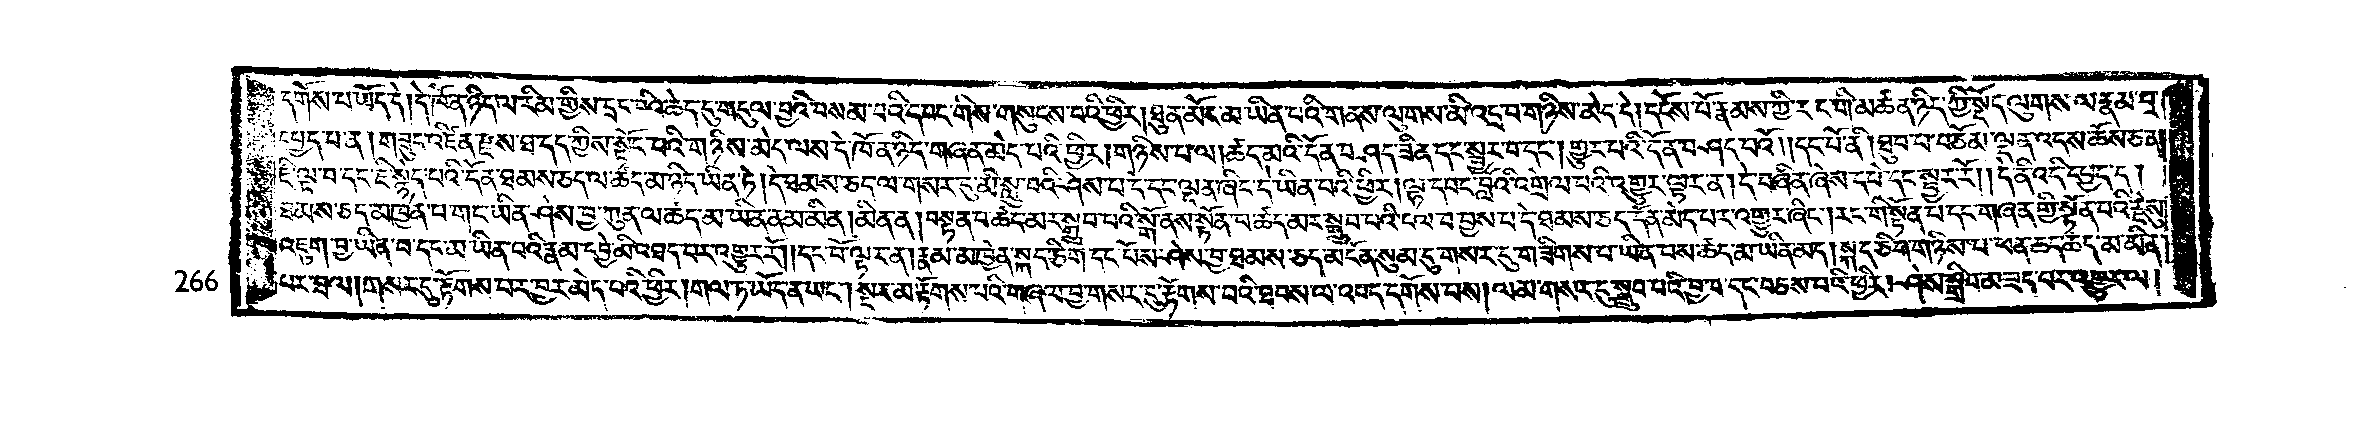དགོས་པ་ཡོད་དེ། དེ་ཁོ་ན་ཉིད་ལ་རིམ་གྱིས་དྲང་བའི་ཆེད་དུ་གདུལ་བྱའི་བསམ་པའི་དབང་གིས་གསུངས་པའི་ཕྱིར། ཐུན་མོང་མ་ཡིན་པའི་གནས་ལུགས་མི་འདྲ་བ་གཉིས་མེད་དེ། དངོས་པོ་རྣམས་ཀྱི་རང་གི་མཚན་ཉིད་ཀྱི་སྡོད་ལུགས་ལ་རྣམ་པ་
དཔྱད་པ་ན། གཟུང་འཛིན་རྫས་ཐ་དད་ཀྱིས་སྟོང་པའི་གཉིས་མེད་ལས་དེ་ཁོ་ན་ཉིད་གཞན་མེད་པའི་ཕྱིར། གཉིས་པ་ལ། ཚད་མའི་དོན་བཤད་ཟིན་དང་སྦྱར་བ་དང་། གྱུར་པའི་དོན་བཤད་པའོ། །དང་པོ་ནི། ཐུབ་པ་བཅོམ་ལྡན་འདས་ཆོས་ཅན།
ཇི་ལྟ་བ་དང་ཇི་སྙེད་པའི་དོན་ཐམས་ཅད་ལ་ཚད་མ་ཉིད་ཡིན་ཏེ། དེ་ཐམས་ཅད་ལ་གསར་དུ་མི་སླུ་བའི་ཤེས་པ་དེ་དང་ལྡན་ཞིང་དེ་ཡིན་པའི་ཕྱིར། ལྷ་དབང་བློའི་འགྲེལ་པའི་འགྱུར་ལྟར་ན། དེ་བཞིན་ཞེས་དཔེ་དང་སྦྱར་རོ། །དེ་ནི་འདི་དཔྱད་དེ།
ཐམས་ཅད་མཁྱེན་པ་གང་ཡིན་ཤེས་བྱ་ཀུན་ལ་ཚད་མ་ཡིན་ན་མ་མིན། མིན་ན། བསྟན་པ་ཚད་མར་སྒྲུབ་པའི་སྒོ་ནས་སྟོན་པ་ཚད་མར་སྒྲུབ་པའི་ངལ་བ་བྱས་པ་དེ་ཐམས་ཅད་དོན་མེད་པར་འགྱུར་ཞིང་། རང་གི་སྟོན་པ་དང་གཞན་གྱི་སྟོན་པའི་རྗེས་སུ་
འཇུག་བྱ་ཡིན་པ་དང་མ་ཡིན་པའི་རྣམ་དབྱེ་མི་འཐད་པར་འགྱུར་རོ། །དང་པོ་ལྟར་ན། རྣམ་མཁྱེན་སྐད་ཅིག་དང་པོས་ཤེས་བྱ་ཐམས་ཅད་མངོན་སུམ་དུ་གསར་དུ་གཟིགས་པ་ཡིན་པས་ཚད་མ་ཡིན་མེད། སྐད་ཅིག་གཉིས་པ་ཕན་ཆད་ཚད་མ་མིན།
པར་ཐལ། གསར་དུ་རྟོགས་པར་བྱར་མེད་པའི་ཕྱིར། གལ་ཏེ་ཡོད་ན་ཡང་། སྔར་མ་རྟོགས་པའི་གཞལ་བྱ་གསར་དུ་རྟོགས་པའི་ཐབས་ལ་འབད་དགོས་པས། ལམ་གསར་དུ་སྒྲུབ་པའི་བྱ་བ་དང་བཅས་པའི་ཕྱིར། ཤེས་སྒྲིབ་མ་ཟད་པར་འགྱུར་ལ།